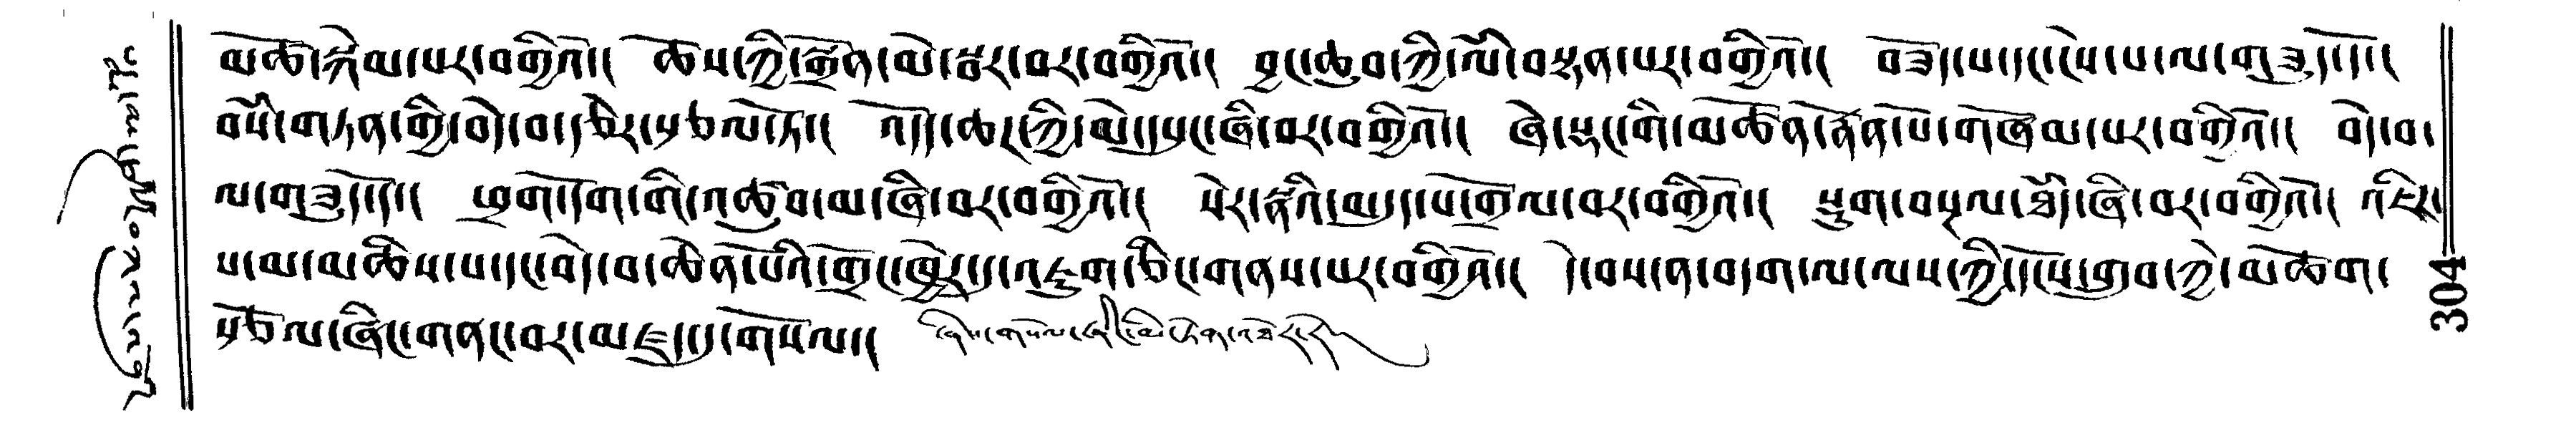མཚོ་སྐེམ་པར་བགྱིའོ། ཆོས་ཀྱི་སྒྲོན་མེ་སྦར་བར་བགྱིའོ། བྱང་ཆུབ་ཀྱི་ལམ་བསྟན་པར་བགྱིའོ། བཟོད་པ་དང་ངེས་པ་ལ་གཟུད་དོ།
 བསམ་གཏན་གྱི་བདེ་བ་རྩེར་སྩལ་ཏོ། འདོད་ཆགས་ཀྱི་མེ་དཔུང་ཞི་བར་བགྱིའོ། ཞེ་སྡང་གི་མཚོན་རྣོན་པོ་གཞོམ་པར་བགྱིའོ། བདེ་བ་
ལ་གཟུད་དོ། ཕྲག་དོག་གི་འཚུབ་མ་ཞི་བར་བགྱིའོ། སེར་སྣའི་མདུད་པ་གྲོལ་བར་བགྱིའོ། སྡུག་བསྔལ་ཐམས་ཅད་ཞི་བར་བགྱིའོ། འཇིགས་
པ་མ་མཆིས་པ་དང་བདེ་བ་ཆེན་པོའི་གྲོང་ཁྱེར་དུ་འཇུག་ཅིང་གནས་པར་བགྱིའོ། དེ་བས་ན་བདག་ལ་ལས་ཀྱི་དངོས་གྲུབ་ཀྱི་མཆོག་
སྩོལ་ཞིང་གནང་བར་མཛད་དུ་གསོལ། ཞེས་གསོལ་ཞིང་མེ་ཏོག་འཐོར་རོ།།